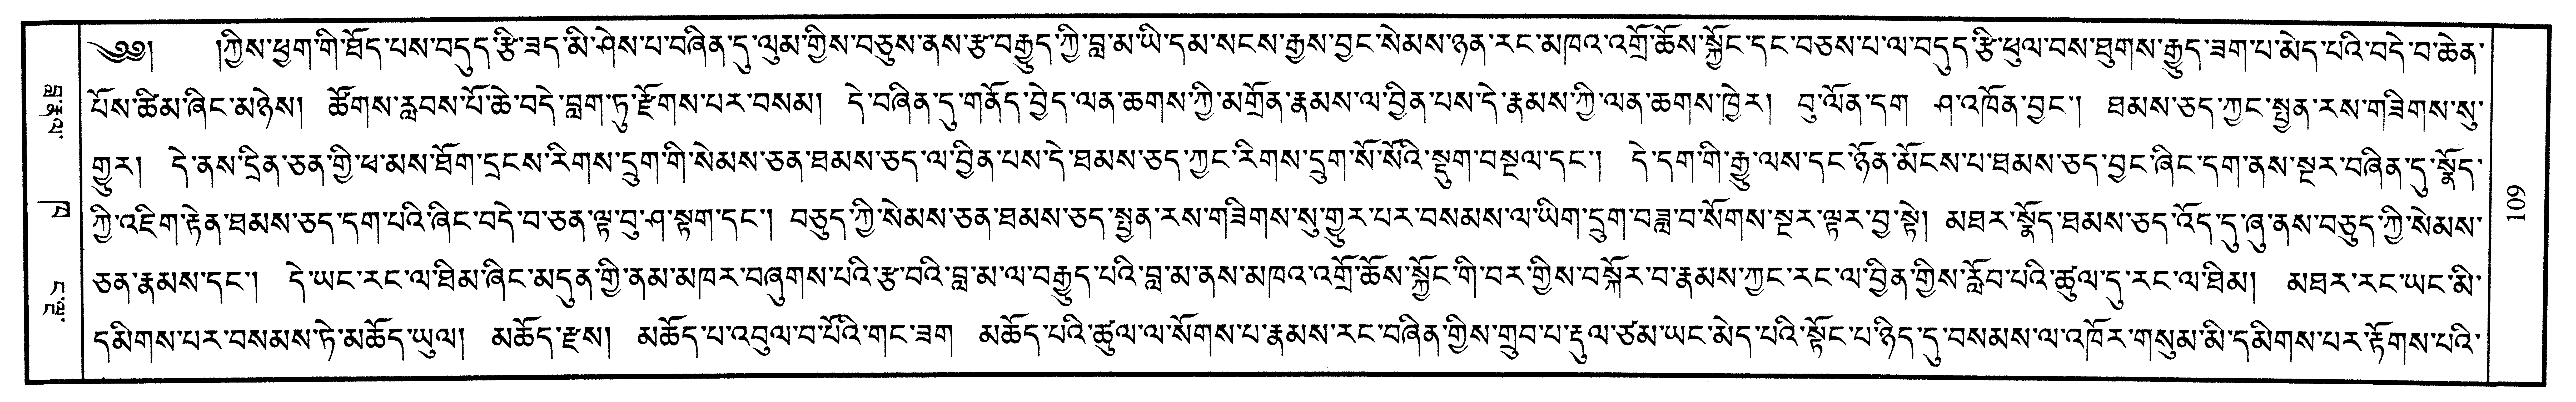༄༅། །ཀྱིས་ཕྱག་གི་ཐོད་པས་བདུད་རྩི་ཟད་མི་ཤེས་པ་བཞིན་དུ་ལུམ་གྱིས་བཅུས་ནས་རྩ་བརྒྱུད་ཀྱིས་བླ་མ་ཡི་དམ་སངས་རྒྱས་བྱང་སེམས་ཉན་རང་མཁའ་འགྲོ་ཆོས་སྐྱོང་དང་བཅས་པ་ལ་བདུད་རྩི་ཕུལ་བས་ཐུགས་རྒྱུད་ཟག་པ་མེད་པའི་བདེ་བ་ཆེན་
པོས་ཚིམ་ཞིང་མཉེས། ཚོགས་རླབས་པོ་ཆེ་བདེ་བླག་ཏུ་རྫོགས་པར་བསམ། དེ་བཞིན་དུ་གནོད་བྱེད་ལན་ཆགས་ཀྱི་མགྲོན་རྣམས་ལ་བྱིན་པས་དེ་རྣམས་ཀྱི་ལན་ཆགས་ཁྱེར། བུ་ལོན་དག །ཤ་འཁོན་བྱང་། ཐམས་ཅད་ཀྱང་སྤྱན་རས་གཟིགས་སུ་
གྱུར། །དེ་ནས་དྲིན་ཅན་གྱི་ཕ་མས་ཐོག་དྲངས་རིགས་དྲུག་གི་སེམས་ཅན་ཐམས་ཅད་ལ་བྱིན་པས་དེ་ཐམས་ཅད་ཀྱང་རིགས་དྲུག་སོ་སོའི་སྡུག་བསྔལ་དང་། དེ་དག་གི་རྒྱུ་ལས་དང་ཉོན་མོངས་པ་ཐམས་ཅད་བྱང་ཞིང་དག་ནས་སྔར་བཞིན་དུ་སྣོད་
ཀྱི་འཇིག་རྟེན་ཐམས་ཅད་དག་པའི་ཞིང་བདེ་བ་ཅན་ལྟ་བུ་ཤ་སྟག་དང་། བཅུད་ཀྱི་སེམས་ཅན་ཐམས་ཅད་སྤྱན་རས་གཟིགས་སུ་གྱུར་པར་བསམས་ལ་ཡིག་དྲུག་བཟླ་བ་སོགས་སྔར་ལྟར་བྱ་སྟེ། མཐར་སྣོད་ཐམས་ཅད་འོད་དུ་ཞུ་ནས་བཅུད་ཀྱི་སེམས་
ཅན་རྣམས་དང་། དེ་ཡང་རང་ལ་ཐིམ་ཞིང་མདུན་གྱི་ནམ་མཁར་བཞུགས་པའི་རྩ་བའི་བླ་མ་ལ་བརྒྱུད་པའི་བླ་མ་ནས་མཁའ་འགྲོ་ཆོས་སྐྱོང་གི་བར་གྱིས་བསྐོར་བ་རྣམས་ཀྱང་རང་ལ་བྱིན་གྱིས་རློབ་པའི་ཚུལ་དུ་རང་ལ་ཐིམ། མཐར་རང་ཡང་མི་
དམིགས་པར་བསམས་ཏེ་མཆོད་ཡུལ། མཆོད་རྫས། མཆོད་པ་འབུལ་བ་པོའི་གང་ཟག། མཆོད་པའི་ཚུལ་ལ་སོགས་པ་རྣམས་རང་བཞིན་གྱིས་གྲུབ་པ་རྡུལ་ཙམ་ཡང་མེད་པའི་སྟོང་པ་ཉིད་དུ་བསམས་ལ་འཁོར་གསུམ་མི་དམིགས་པར་རྟོགས་པའི་